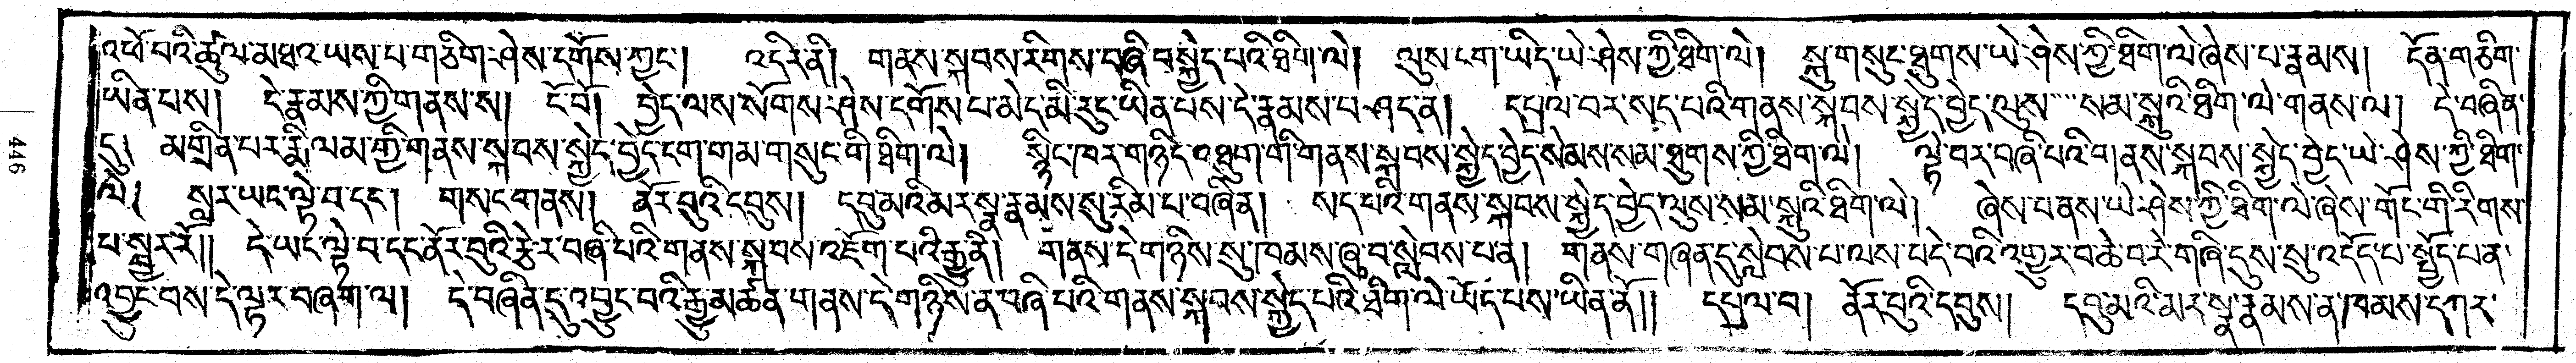འཕོ་བའི་ཚུལ་མཐའ་ཡས་པ་གཅིག་ཤེས་དགོས་ཀྱང་། འདིར་ནི། གནས་སྐབས་རིགས་བཞི་བསྐྱེད་པའི་ཐིག་ལེ། ལུས་ངག་ཡིད་ཡེ་ཤེས་ཀྱི་ཐིག་ལེ། སྐུ་གསུང་ཐུགས་ཡེ་ཤེས་ཀྱི་ཐིག་ལེ་ཞེས་པ་རྣམས། དོན་གཅིག་
ཡིན་པས། དེ་རྣམས་ཀྱི་གནས་ས། ངོ་བོ། བྱེད་ལས་སོགས་ཤེས་དགོས་པ་མེད་མི་རུང་ཡིན་པས་དེ་རྣམས་བཤད་ན། དཔྲལ་བར་སད་པའི་གནས་སྐབས་སྐྱེད་བྱེད་ལུས་སམ་སྐུའི་ཐིག་ལེ་གནས་ལ། དེ་བཞིན་
དུ༑ མགྲིན་པར་རྨི་ལམ་གྱི་གནས་སྐབས་སྐྱེད་བྱེད་ངག་གམ་གསུང་གི་ཐིག་ལེ། སྙིང་ཁར་གཉིད་འཐུག་གི་གནས་སྐབས་སྐྱེད་བྱེད་སེམས་སམ་ཐུགས་ཀྱི་ཐིག་ལེ། ལྟེ་བར་བཞི་པའི་གནས་སྐབས་སྐྱེད་བྱེད་ཡེ་ཤེས་ཀྱི་ཐིག་
ལེ༑ སླར་ཡང་ལྟེ་བ་དང་། གསང་གནས། ནོར་བུའི་དབུས། དབུ་མའི་མར་སྣ་རྣམས་སུ་རིམ་པ་བཞིན། སད་པའི་གནས་སྐབས་སྐྱེད་བྱེད་ལུས་སམ་སྐུའི་ཐིག་ལེ། ཞེས་པ་ནས་ཡེ་ཤེས་ཀྱི་ཐིག་ལེ་ཞེས་གོང་གི་རིགས་
པ་སྦྱར་རོ།། དེ་ཡང་ལྟེ་བ་དང་ནོར་བུའི་རྩེར་བཞི་པའི་གནས་སྐབས་འཇོག་པའི་རྒྱུ་ནི། གནས་དེ་གཉིས་སུ་ཁམས་ཞུ་བ་སླེབས་པ་ན། གནས་གཞན་དུ་སླེབས་པ་ལས་བདེ་བའི་འགྱུར་བ་ཆེ་བ་རེ་གཞི་དུས་སུ་འདོད་པ་སྤྱོད་པ་ན་
འབྱུང་བས་དེ་ལྟར་བཞག་ལ། དེ་བཞིན་དུ་འབྱུང་བའི་རྒྱུ་མཚན་གནས་དེ་གཉིས་ན་བཞི་པའི་གནས་སྐབས་སྐྱེད་པའི་ཐིག་ལེ་ཡོད་པས་ཡིན་ནོ།། དཔྲལ་བ། ནོར་བུའི་དབུས། དབུ་མའི་མར་སྣ་རྣམས་ན་ཁམས་དཀར་